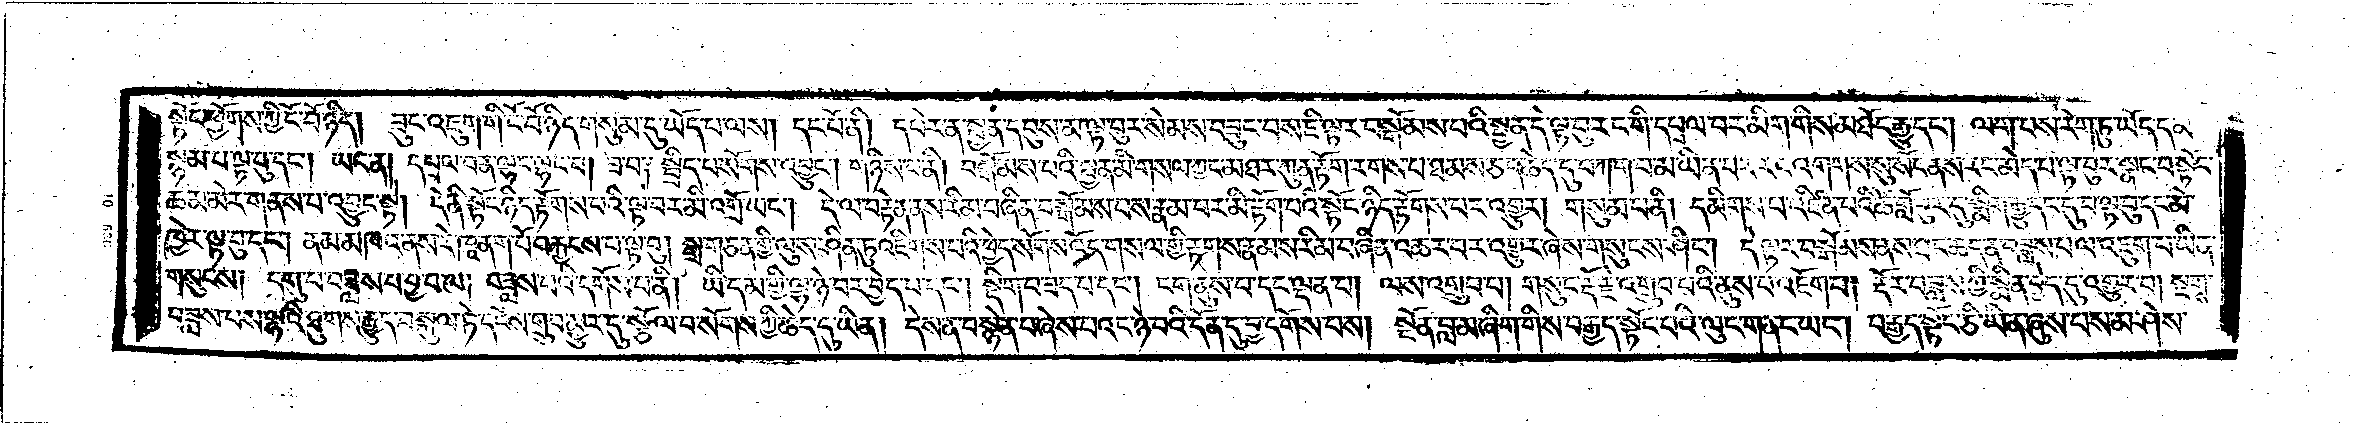སྟོང་ཕྱོགས་ཀྱི་ངོ་བོ་ཉིད། ཟུང་འཇུག་གི་ངོ་བོ་ཉིད་གསུམ་དུ་ཡོད་པ་ལས། དང་པོ་ནི། དཔེར་ན་སྤྱན་དབུས་མ་ལྟ་བུར་སེམས་བཟུང་བས་ཇི་ལྟར་བསྒོམས་པའི་སྤྱན་དེ་ལྟ་བུ་རང་གི་དཔྲལ་བར་མིག་གིས་མཐོང་རྒྱུ་དང་། ལག་པས་རེག་ཏུ་ཡོད་དམ་
སྙམ་པ་ལྟ་བུ་དང་། ཡང་ན། དཔྲལ་བ་ན་ལྷང་ལྷང་བ། ཟ་བ༑ སྦྲིད་པ་སོགས་འབྱུང་། གཉིས་པ་ནི། བསྒོམས་པའི་སྤྱན་མི་གསལ་ཀྱང་མཐར་ཀུན་རྟོག་རགས་པ་ཐམས་ཅད་ཆེད་དུ་བཀག་པ་མ་ཡིན་བར་རང་འགགས་སུ་སོང་ནས་རང་མེད་པ་ལྟ་བུར་སྣང་བསྟོང་
ཆམ་མེར་གནས་པ་འབྱུང་སྟེ། དེ་ནི་སྟོང་ཉིད་རྟོགས་པའི་ལྟ་བར་མི་འགྲོ་ཡང་། དེ་ལ་བརྟེན་ནས་རིམ་བཞིན་བསྒོམས་བས་རྣམ་པར་མི་རྟོག་པའི་སྟོང་ཉིད་རྟོགས་པར་འགྱུར། གསུམ་པ་ནི། དམིགས་པ་འཛིན་པའི་ཚེ་གློ་བུར་དུ་སྨིག་རྒྱུ་དང་དུ་བ་ལྟ་བུ་དང་མེ་
ཁྱེར་ལྟ་བུ་དང་། ནམ་མཁའ་ནས་རེ་ཁཱ་ནག་པོ་བརྐྱངས་པ་ལྟ་བུ། སྒྲ་གཅན་གྱི་ལུས་ཤིན་ཏུ་འཇིགས་པའི་ཕྱེད་སོགས་འོད་གསལ་གྱི་རྟགས་རྣམས་རིམ་བཞིན་འཆར་བར་འགྱུར་ཞེས་གསུངས་ཤིང་། དེ་ལྟར་བསྒོམས་ནས་ཐང་ཆད་ན་བཟླས་པ་ལ་འཇུག་པ་ཡིན་
གསུངས། དགུ་པ་བཟླས་བ་བྱ་བ་ལ། བཟླས་པའི་དགོས་པ་ནི། ཡི་དམ་གྱི་ལྷ་ཉེ་བར་བྱེད་པ་དང་། སྡིག་པ་ཟད་པ་དང་། ངག་ནུས་པ་དང་ལྡན་པ། ལས་འགྲུབ་པ། གསུང་རྡོ་རྗེ་འགྲུབ་པའི་ནུས་པ་འཇོག་པ། རྡོར་བཟླས་ཀྱི་སྨིན་བྱེད་དུ་འགྱུར་བ། སྔགས་
བཟླས་པས་ལྷའི་ཐུགས་རྒྱུད་བསྐུལ་ཏེ་དངོས་གྲུབ་མྱུར་དུ་སྩོལ་བ་སོགས་ཀྱི་ཆེད་དུ་ཡིན་དེས་ན་བསྙེན་བ་ཞེས་པའང་ཉེ་བའི་དོན་དུ་བྱ་དགོས་པས། སྔོན་བླ་མ་ཞིག་གིས་བརྒྱད་སྟོང་བའི་ལུང་གནང་ཡང་། བརྒྱད་སྟོང་ཅི་ཡིན་ཞུས་པས་མ་ཤེས་